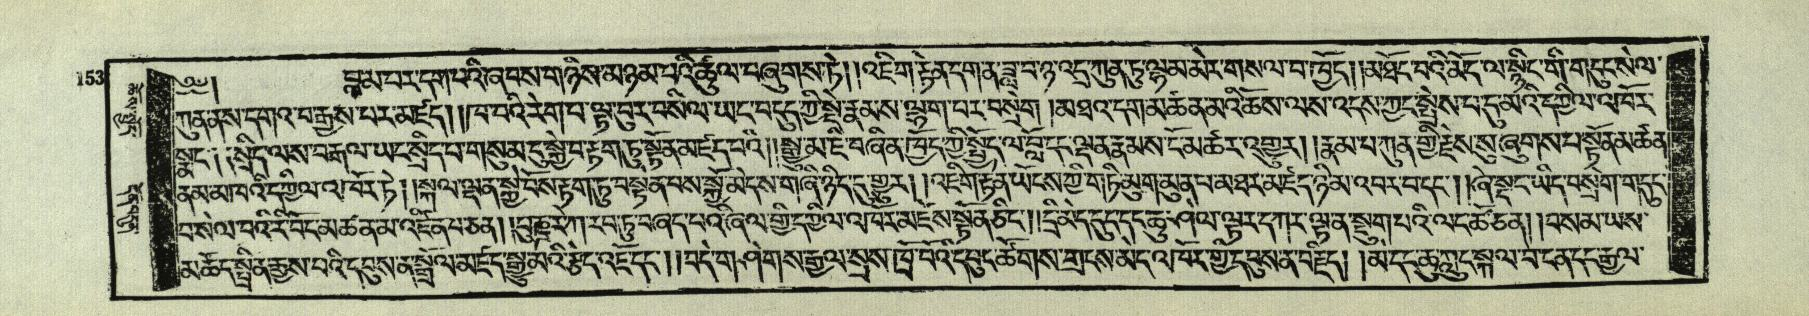༄༅། བླ་མ་བར་དག་པའི་ཞབས་གཉིས་མཉམ་པའི་ཚུལ་བཞུགས་ཏེ། །འཇིག་རྟེན་དག་ན་ཟླ་བ་ཉ་འདྲ་ཀུན་ཏུ་ལྷམ་མེར་གསལ་བ་ཁྱོད། །མཐོང་བའི་མོད་ལ་སྙིང་གི་གདུང་སེལ་
ཀུན་ནས་དགའ་བ་རྒྱས་པར་མཛད། །ཁ་བའི་རེག་པ་ལྟ་བུར་བསིལ་ཡང་བདུད་ཀྱི་སྡེ་རྣམས་ལྷག་པར་བསྲེག །མཐའ་དག་མཚན་མའི་ཆོས་ལས་འདས་ཀྱང་སྤྲེས་པ་དུ་མའི་དཀྱིལ་འཁོར་
སྣང༑ ༑སྲིད་ལས་བརྒལ་ཡང་སྲིད་པ་གསུམ་དུ་སྐྱེ་བ་རྟག་ཏུ་སྟོན་མཛད་པའི། །སྒྱུ་མ་ཇི་བཞིན་ཁྱོད་ཀྱི་སྤྱོད་ལ་བློ་དང་ལྡན་རྣམས་ངོ་མཚར་འགྱུར། །རྣམ་པ་ཀུན་གྱི་རྗེས་སུ་ཞུགས་པ་སྟོན་མཚན་
ནམ་མཁའི་དཀྱིལ་འཁོར་ཏེ། །སྐལ་ལྡན་སྐྱེ་བོས་རྟག་ཏུ་བསྟན་པས་སྐྱོ་མེད་ས་གཞི་ཉིད་དུ་གྱུར། །འཇིག་རྟེན་ཡོངས་ཀྱི་གཏི་མུག་མུན་པ་མཐར་མཛད་ཉི་མ་འབར་བ་དང་། །ཞེ་སྡང་ཡིད་བསྲེག་གདུང་
བ་སེལ་བའི་རི་བོང་མཚན་མ་འཛིན་པ་ཅན། །པུནྚ་རེ་ཀ་རབ་ཏུ་བཞད་པའི་ཞལ་གྱི་དཀྱིལ་འཁོར་མཛེས་སྟོན་ཅིང་། །དྲི་མེད་དུང་དང་ཆུ་ཤེལ་ལྟར་དཀར་ལྟ་ན་སྡུག་པའི་ལང་ཚོ་ཅན། །བསམ་ཡས་
མཆོད་སྤྲིན་རྒྱས་པའི་དབུས་ན་སྒྲོལ་མཛད་སྒྱུ་མའི་རྩེད་འཇོ་དང་། །བདེ་གཤེགས་རྒྱལ་སྲས་ཁྲོ་པོའི་དཔུང་ཚོགས་གྲངས་མེད་འཁོར་གྱི་དབུས་ན་བརྗིད། །མེ་དང་ཆུ་ཀླུང་སྐལ་བ་ངན་དང་རྒྱལ་